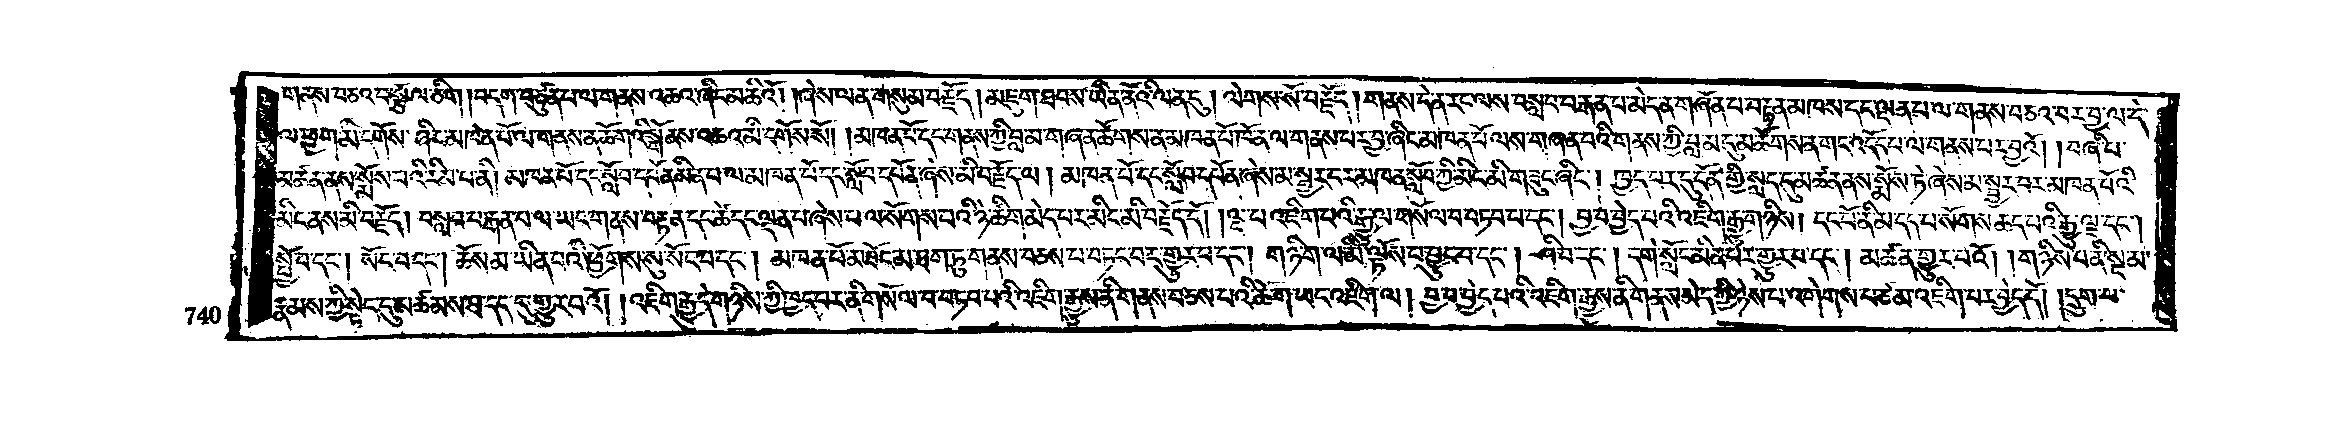གནས་བཅའ་བ་སྩོལ་ཅིག །བདག་བཙུན་པ་ལ་གནས་འཆའ་ཞིང་མཆིའོ། །ཞེས་ལན་གསུམ་བརྗོད། མཇུག་ཐབས་ཡིན་ནོའི་ལན་དུ། ལེགས་སོ་བརྗོད། གནས་དེ་ན་རང་ལས་བསླབ་པ་རྒན་པ་མེད་ན་གཞོན་པ་བརྟན་མཁས་དང་ལྡན་པ་ལ་གནས་བཅའ་བར་བྱ་ལ་དེ་
ལ་ཕྱག་མི་དགོས་ཞིང་མཁན་པོ་ལ་གནས་ན་ཆོ་གའི་སྒོ་ནས་འཆའ་མི་དགོས་སོ། །མཁན་པོ་དང་གནས་ཀྱི་བླ་མ་གཞན་ཚོགས་ན་མཁན་པོ་ཁོ་ན་ལ་གནས་པར་བྱ་ཞིང་མཁན་པོ་ལས་གཞན་པའི་གནས་ཀྱི་བླ་མ་དུ་མ་ཚོགས་ན་གང་འདོད་པ་ལ་གནས་པར་བྱའོ། །བཞི་པ་
མཚན་ནས་སྨོས་པའི་རིམ་པ་ནི། མཁན་པོ་དང་སློབ་དཔོན་མིན་པ་ལ་མཁན་པོ་དང་སློབ་དཔོན་ཞེས་མི་བརྗོད་ལ། མཁན་པོ་དང་སློབ་དཔོན་ཞེས་མ་སྦྱར་བར་མཁན་སློབ་ཀྱི་མིང་མི་གཟུང་ཞིང་། ཁྱད་པར་དུ་དོན་གྱི་སླད་དུ་མཚན་ནས་སྨོས་ཏེ་ཞེས་མ་སྦྱར་བར་མཁན་པོའི་
མིང་ནས་མི་བརྗོད། བསླབ་པ་རྒན་པ་ལ་ཡང་གནས་བརྟན་དང་ཚེ་དང་ལྡན་པ་ཞེས་པ་ལ་སོགས་པའི་ཉེ་ཚིག་མེད་པར་མིང་མི་བརྗོད་དོ། །ལྔ་པ་འཇིག་པའི་རྒྱུ་ལ་གསོལ་བ་བཏབ་པ་དང་། བྱ་བ་བྱེད་པའི་འཇིག་རྒྱུ་གཉིས། དང་པོ་ནི་མ་དད་པ་སོགས་ཆད་པའི་རྒྱུ་ལྔ་དང་།
སྤྱོ་བ་དང་། སོང་བ་དང་། ཆོས་མ་ཡིན་པའི་ཕྱོགས་སུ་སོང་བ་དང་། མཁན་པོ་མཐོང་མ་ཐག་ཏུ་གནས་བཅས་པ་བཏང་བར་གྱུར་པ་དང་། གཉི་ག་ལ་མི་ལྟོས་པ་བྱུང་བ་དང་། ཤི་བ་དང་། དགེ་སློང་མིན་པར་གྱུར་པ་དང་། མཚན་གྱུར་པའོ། །གཉིས་པ་ནི་སྔ་མ་
རྣམས་ཀྱི་སྟེང་དུ་མཚམས་ཐ་དད་དུ་གྱུར་བའོ། །འཇིག་རྒྱུ་དེ་གཉིས་ཀྱི་ཁྱད་པར་ནི་གསོལ་བ་བཏབ་པའི་འཇིག་རྒྱུས་ནི་གནས་བཅས་པའི་ཆོ་ག་ཡང་འཇིག་ལ། བྱ་བ་བྱེད་པའི་འཇིག་རྒྱུས་ནི་གནས་མེད་ཀྱི་ཉེས་པ་འགེགས་པ་ཙམ་འཇིག་པར་བྱེད་དོ། །དྲུག་པ་